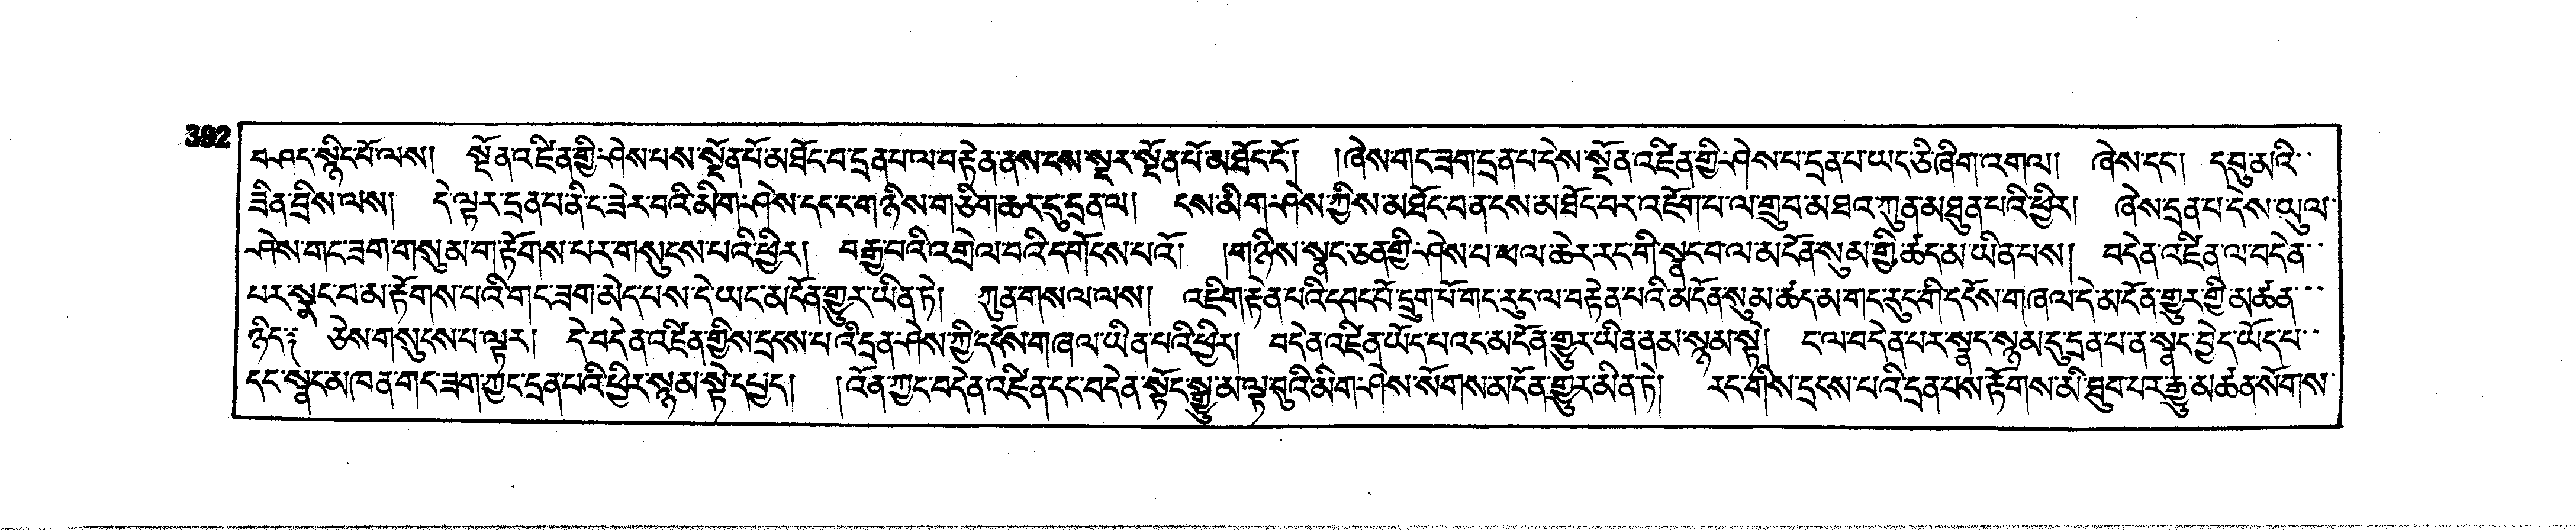བཤད་སྙིང་པོ་ལས། སྔོན་འཛིན་གྱི་ཤེས་པས་སྔོན་པོ་མཐོང་བ་དྲན་པ་ལ་བརྟེན་ནས་ངས་སྔར་སྔོན་པོ་མཐོང་ངོ། །ཞེས་གང་ཟག་དྲན་པ་དེས་སྔོན་འཛིན་གྱི་ཤེས་པ་དྲན་པ་ཡང་ཅི་ཞིག་འགལ། ཞེས་དང་། དབུ་མའི་
ཟིན་བྲིས་ལས། དེ་ལྟར་དྲན་པ་ནི་ང་ཟེར་བའི་མིག་ཤེས་དང་ང་གཉིས་གཅིག་ཆར་དུ་དྲན་ལ། ངས་མིག་ཤེས་ཀྱིས་མཐོང་བ་ན་ངས་མཐོང་བར་འཇོག་པ་ལ་གྲུབ་མཐའ་ཀུན་མཐུན་པའི་ཕྱིར། ཞེས་དྲན་པ་དེས་ཡུལ་
ཤེས་གང་ཟག་གསུམ་ག་རྟོགས་པར་གསུངས་པའི་ཕྱིར། བརྒྱ་བའི་འགྲེལ་བའི་དགོངས་པའོ། །གཉིས་སྣང་ཅན་གྱི་ཤེས་པ་ཕལ་ཆེར་རང་གི་སྣང་བ་ལ་མངོན་སུམ་གྱི་ཚད་མ་ཡིན་པས། བདེན་འཛིན་ལ་བདེན་
པར་སྣང་བ་མ་རྟོགས་པའི་གང་ཟག་མེད་པས་དེ་ཡང་མངོན་གྱུར་ཡིན་ཏེ། ཀུན་གསལ་ལས། འཇིག་རྟེན་པའི་དབང་པོ་དྲུག་པོ་གང་རུང་ལ་བརྟེན་པའི་མངོན་སུམ་ཚད་མ་གང་རུང་གི་དངོས་གཞལ་དེ་མངོན་གྱུར་གྱི་མཚན་
ཉིད། ཅེས་གསུངས་པ་ལྟར། དེ་བདེན་འཛིན་གྱིས་དྲངས་པའི་དྲན་ཤེས་ཀྱི་དངོས་གཞལ་ཡིན་པའི་ཕྱིར། བདེན་འཛིན་ཡོད་པའང་མངོན་གྱུར་ཡིན་ནམ་སྙམ་སྟེ། ང་ལ་བདེན་པར་སྣང་སྙམ་དུ་དྲན་པ་ན་སྣང་བྱེད་ཡོད་པ་
དང་སྣང་མཁན་གང་ཟག་ཀྱང་དྲན་པའི་ཕྱིར་སྙམ་སྟེ་དཔྱད། །འོན་ཀྱང་བདེན་འཛིན་དང་བདེན་སྟོང་སྒྱུ་མ་ལྟ་བུའི་མིག་ཤེས་སོགས་མངོན་གྱུར་མིན་ཏེ། རང་གིས་དྲངས་པའི་དྲན་པས་རྟོགས་མི་ཐུབ་པར་རྒྱུ་མཚན་སོགས་